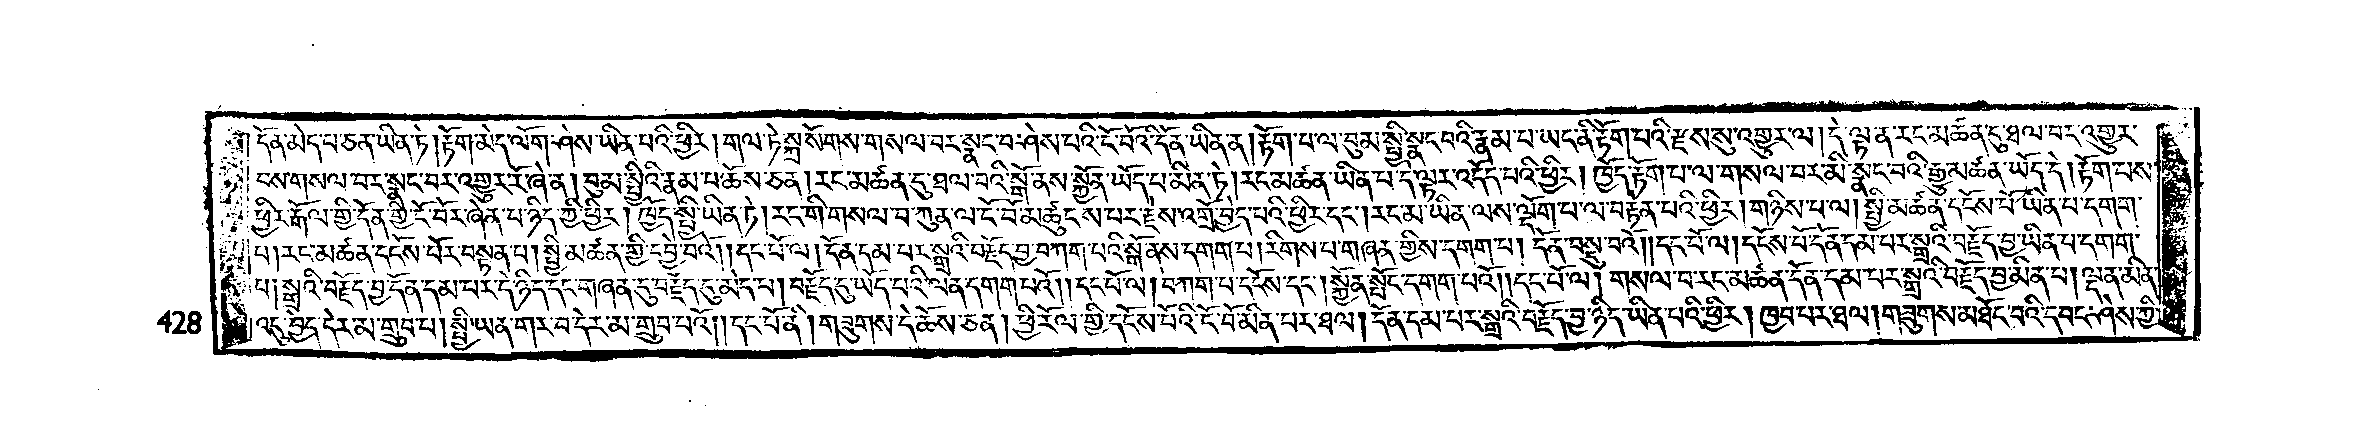དོན་མེད་པ་ཅན་ཡིན་ཏེ། རྟོག་མེད་ལོག་ཤེས་ཡིན་པའི་ཕྱིར། གལ་ཏེ་སྐྲ་སོགས་གསལ་བར་སྣང་བ་ཤེས་པའི་ངོ་བོའི་དོན་ཡིན་ན། རྟོག་པ་ལ་བུམ་སྤྱི་སྣང་བའི་རྣམ་པ་ཡང་ནི་རྟོག་པའི་རྫས་སུ་འགྱུར་ལ། དེ་ལྟ་ན་རང་མཚན་དུ་ཐལ་བར་འགྱུར་
བས་གསལ་བར་སྣང་བར་འགྱུར་རོ་ཞེ་ན། བུམ་སྤྱིའི་རྣམ་པ་ཆོས་ཅན། རང་མཚན་དུ་ཐལ་བའི་སྒོ་ནས་སྐྱོན་ཡོད་པ་མིན་ཏེ། རང་མཚན་ཡིན་པ་དེ་ལྟར་འདོད་པའི་ཕྱིར། ཁྱོད་རྟོག་པ་ལ་གསལ་བར་མི་སྣང་བའི་རྒྱུ་མཚན་ཡོད་དེ། རྟོག་པས་
ཕྱིར་རྒོལ་གྱི་དོན་གྱི་ངོ་བོར་ཞེན་པ་ཉིད་ཀྱི་ཕྱིར། ཁྱོད་སྤྱི་ཡིན་ཏེ། རང་གི་གསལ་བ་ཀུན་ལ་ངོ་བོ་མཚུངས་པར་རྗེས་འགྲོ་བྱེད་པའི་ཕྱིར་དང་། རང་མ་ཡིན་ལས་ལྡོག་པ་ལ་བརྟེན་པའི་ཕྱིར། གཉིས་པ་ལ། སྤྱི་མཚན་དངོས་པོ་ཡིན་པ་དགག་
པ། རང་མཚན་དངོས་པོར་བསྟན་པ། སྤྱི་མཚན་གྱི་དབྱེ་བའོ། །དང་པོ་ལ། དོན་དམ་པར་སྒྲའི་བརྗོད་བྱ་བཀག་པའི་སྒོ་ནས་དགག་པ། རིགས་པ་གཞན་གྱིས་དགག་པ། དོན་བསྡུ་བའོ། །དང་པོ་ལ། དངོས་པོ་དོན་དམ་པར་སྒྲའི་བརྗོད་བྱ་ཡིན་པ་དགག་
པ། སྒྲའི་བརྗོད་བྱ་དོན་དམ་པར་དེ་ཉིད་དང་གཞན་དུ་བརྗོད་དུ་མེད་པ། བརྗོད་དུ་ཡོད་པའི་ལན་དགག་པའོ། །དང་པོ་ལ། བཀག་པ་དངོས་དང་། སྐྱོན་སྤོང་དགག་པའོ། །དང་པོ་ལ། གསལ་བ་རང་མཚན་དོན་དམ་པར་སྒྲའི་བརྗོད་བྱ་མིན་པ། ལྡན་མིན་
འདུ་བྱེད་དེར་མ་གྲུབ་པ། སྤྱི་ཡན་གར་བ་དེར་མ་གྲུབ་པའོ། །དང་པོ་ནི། གཟུགས་དེ་ཆོས་ཅན། ཕྱི་རོལ་གྱི་དངོས་པོའི་ངོ་བོ་མིན་པར་ཐལ། དོན་དམ་པར་སྒྲའི་བརྗོད་བྱ་ཉིད་ཡིན་པའི་ཕྱིར། ཁྱབ་པར་ཐལ། གཟུགས་མཐོང་བའི་དབང་ཤེས་ཀྱི་